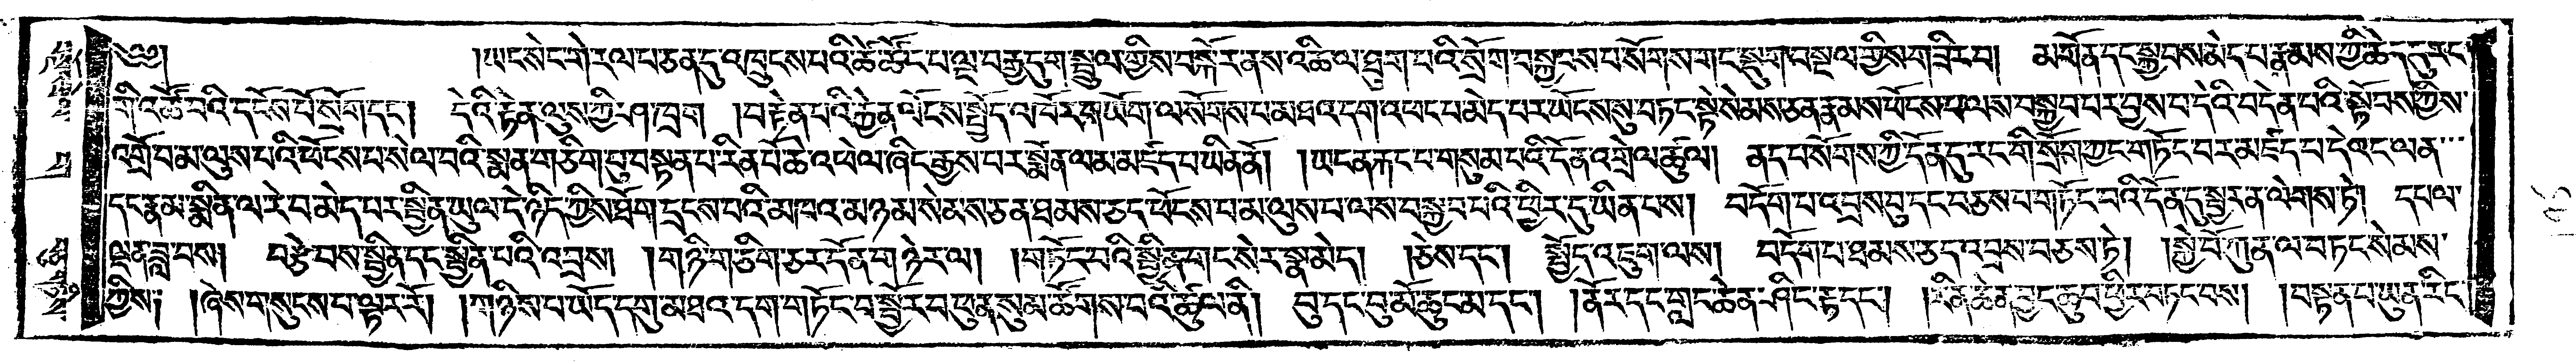༄༅། །ཡང་སེང་གེ་རལ་པ་ཅན་དུ་འཁྲུངས་པའི་ཚེ་ཚོང་པ་ལྔ་བརྒྱ་དུག་སྤྲུལ་གྱིས་བསྐོར་ནས་འཆི་ལ་ཐུག་པའི་སྲོག་བསྐྱབས་པ་སོགས་གང་སྡུག་བསྔལ་གྱིས་གཟིར་བ། མགོན་དང་སྐྱབས་མེད་པ་རྣམས་ཀྱི་ཆེད་དུ་
གི་འཚོ་བའི་དངོས་པོ་སྲོག་དང་། དེའི་རྟེན་ལུས་ཀྱི་ཤ་ཁྲག །བརྟེན་པའི་རྐྱེན་ལོངས་སྤྱོད་འཁོར་གཡོག་ལ་སོགས་པ་མཐའ་དག་འཕང་བ་མེད་བར་ཡོངས་སུ་བཏང་སྟེ་སེམས་ཅན་རྣམས་ཕོངས་པ་ལས་བསྐྱབ་པར་བྱས་པ་དེའི་བདེན་པའི་སྟོབས་ཀྱིས་
འགྲོ་བམ་ལུས་པའི་ཕོངས་པ་སེལ་བའི་སྨན་གཅིག་པུ་བསྟན་པ་རིན་པོ་ཆེ་འཕེལ་ཞིང་རྒྱས་པར་སྨོན་ལམ་མཛད་པ་ཡིན་ནོ། །ཡང་ན་རྐང་པ་གསུམ་པའི་དོན་འགྲེལ་ཚུལ། ནད་པ་སོགས་ཀྱི་དོན་དུ་རང་གི་སྲོག་ཀྱང་གཏོང་བར་མཛད་པ་དེའང་ལན་
དང་རྣམ་སྨིན་ལ་རེ་བ་མེད་བར་སྦྱིན་ཡུལ་དེ་ཉིད་ཀྱིས་ཐོག་དྲངས་པའི་མཁའ་མཉམ་སེམས་ཅན་ཐམས་ཅད་ཕོངས་པ་མ་ལུས་པ་ལས་བསྐྱབ་པའི་ཕྱིར་དུ་ཡིན་པས། བདོག་པ་འབྲས་བུ་དང་བཅས་པ་གཏོང་བའི་དོན་དུ་སྦྱར་ན་ལེགས་ཏེ། དཔལ་
ལྡན་ཟླ་བས། བརྩེ་བས་སྦྱིན་དང་སྦྱིན་པའི་འབྲས། །གཉི་གཅིག་ཅར་དོན་གཉེར་ལ། །གཏོང་བའི་སྦྱིན་གང་སེར་སྣ་མེད། །ཅེས་དང་། སྤྱོད་འཇུག་ལས། བདོག་པ་ཐམས་ཅད་འབྲས་བཅས་ཏེ། །སྐྱེ་པོ་ཀུན་ལ་བཏང་སེམས་
ཀྱིས༑ །ཞེས་གསུངས་པ་ལྟར་རོ། །གཉིས་པ་ཡོད་དགུ་མཐའ་དག་གཏོང་བ་སྦྱོར་བ་ཕུན་སུམ་ཚོགས་བའི་ཚུལ་ནི། བུ་དང་བུ་མོ་ཆུང་མ་དང་། །ནོར་དང་གླང་ཆེན་ཤིང་རྟ་དང་། །རིན་ཆེན་བྱང་ཆུབ་ཕྱིར་བཏང་བས། །བསྟན་པ་ཡུན་རིང་